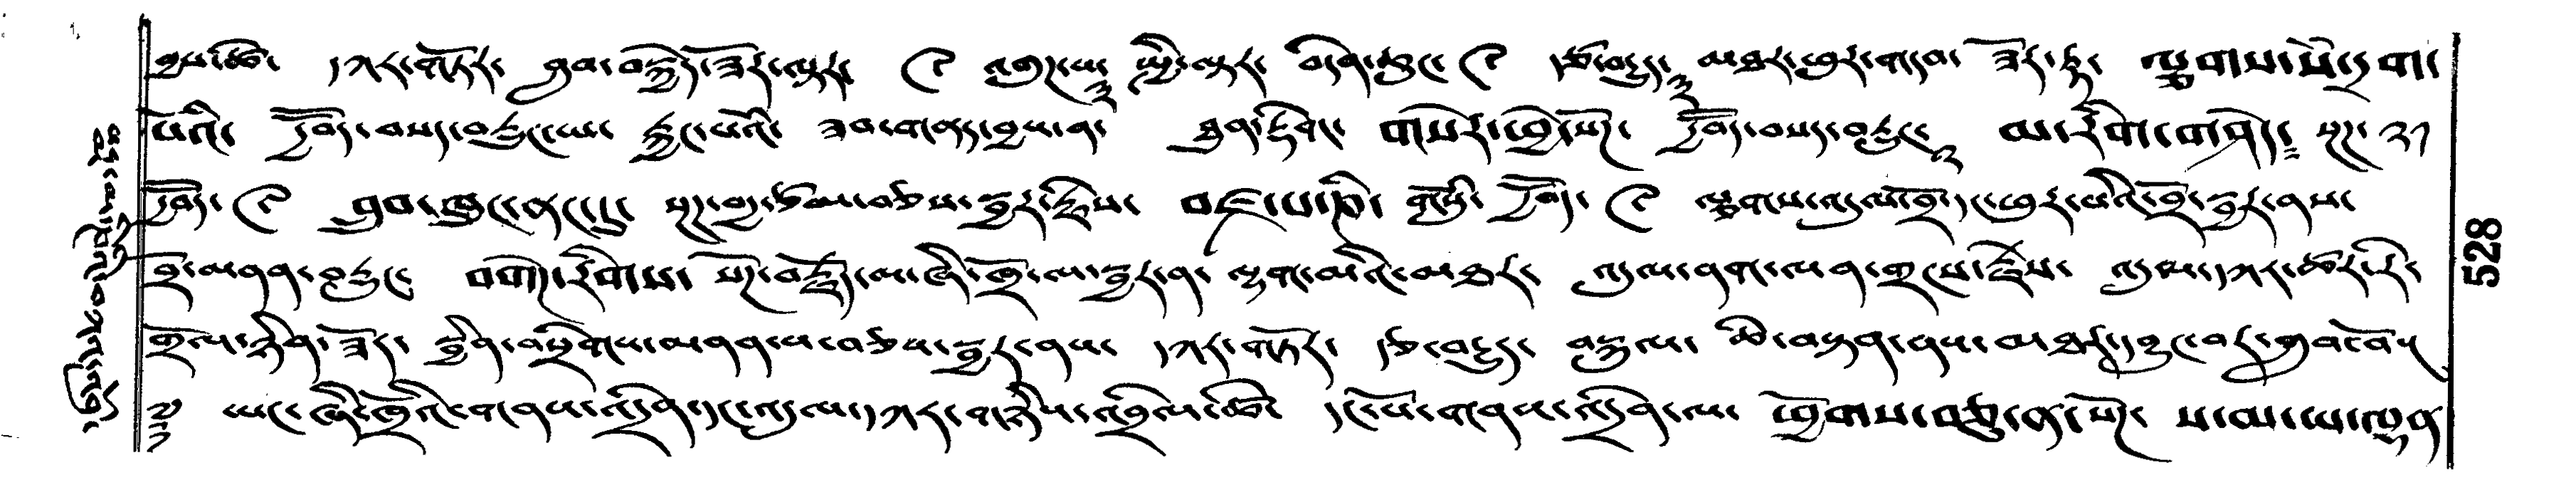བྱས་ཚེ། དཀར་གཏོར། བྲུབ་བསྐྱེད་ཟོར་ལྟར། དགུ འགུགས་པ་གསུམ། སྤྱི་ལྟར། བདེན་ཆུང་དགུ། རྩ་བརྒྱུད་གསུམ། མཐར་ཕུར་གདབ། ཟོར་རྟ། ལྕགས་སམ་དྲག་
པོའི༴ རྒྱོབ་སོད་བསད་བརྡུང་ཡ། རྐྱང་པའམ། ཟབ་གནད་བྱས་ན། ཐུན་རྡེག གསེར་ཕྱེ༴ སོགས། རྒྱོབ་སོད་བསད་བརྡུང་གཉིས། མ་རིག་གཤེད༴ སྔགས་ཉེར་གཅིག 
རྒྱོབ་སོད་དགུ། བྲུབ་ཁུང་ནང་དུ༴ སྔགས་བརྒྱ་ཙམ་བཅས་སྦྱར་རྗེས། བཛྲ་པ་ཎི༴ གསུམ། རྒྱོབ་སོད་དགུ། ལྕགས་འདུལ་བྲོ་དང་ཕུར་པའི་བྲོ་སྦྱར་ནས་
བྲོ་མནན་བརྡུང་། བགེགས་རིགས༴ སོགས་བརྗོད་ལ་ཞི་ཁྲོ་ལ་སྦྱར་ན། ལྷག་མའི་མཐར། འདུལ་ནག་ལན་གྲངས་རྗེས། འདུལ་དཀར་ཚར་རེ། 
གྲོལ་ཉིན་ཟོར། སྦྱིན་སྲེག་མནན་པ་བཅས་སྦྱར་ནས། དཀར་གཏོར། རྩ་བརྒྱུད། བསྐུལ། ཆད་བསྟན་ནས་མཐར་དབྱུང་བས་གྲུབ་བོ། 
༈ ཡང་ཞི་ཁྲོའི་གནས་འདྲེན་དང་འདུལ་དཀར་གཉིས་འབྲེལ་ཚེ། དང་པོ་གནས་འདྲེན་ལ། ཕྱོགས་བཅུ་ན༴ སོགས། ས་མ་ཡ་ལྷན༔